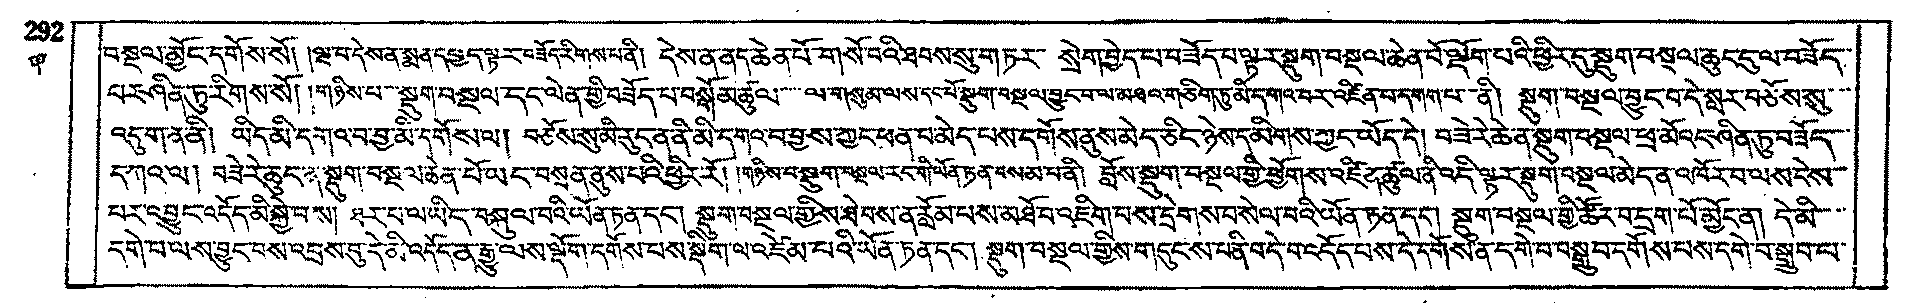བསྔལ་མྱོང་དགོས་སོ། །ལྔ་པ་དེས་ན་སྨན་དཔྱད་ལྟར་བཟོད་རིགས་པ་ནི།  དེས་ན་ནད་ཆེན་པོ་གསོ་བའི་ཐབས་སུ་གཏརྶྲེག་བྱེད་པ་བཟོད་པ་ལྟར་སྡུག་བསྔལ་ཆེན་པོ་ལྡོག་པའི་ཕྱིར་དུ་སྡུག་བསྔལ་ཆུང་དུ་ལ་བཟོད་
པར་ཤིན་ཏུ་རིགས་སོ། །གཉིས་པ་སྡུག་བསྔལ་དང་ལེན་གྱི་བཟོད་པ་བསྒོམ་ཚུལ་ལ་གསུམ་ལས་དང་པོ་སྡུག་བསྔལ་བྱུང་བ་ལ་མཐའ་གཅིག་ཏུ་མི་དགའ་བར་འཛིན་པ་དགག་པནི། སྡུག་བསྔལ་བྱུང་བ་དེ་སླར་བཅོས་སུ་
འདུག་ན་ནི། ཡིད་མི་དགའ་བ་བྱ་མི་དགོས་ལ། བཅོས་སུ་མི་རུང་ན་ནི་མི་དགའ་བ་བྱས་ཀྱང་ཕན་པ་མེད་པས་དགོས་ནུས་མེད་ཅིང་ཉེས་དམིགས་ཀྱང་ཡོད་དེ། བཟེ་རེ་ཆེ་ན་སྡུག་བསྔལ་ཕྲ་མོའང་ཤིན་ཏུ་བཟོད་
དཀའ་ལ། བཟེ་རེ་ཆུང་ན་སྡུག་བསྔལ་ཆེན་པོ་ཡང་བསྲན་ནུས་པའི་ཕྱིར་རོ། །གཉིས་པ་སྡུག་བསྔལ་རང་གི་ཡོན་ཏན་བསམ་པ་ནི།  བློས་སྡུག་བསྔལ་གྱི་ཕྱོགས་འཛིན་ཚུལ་ནི་འདི་ལྟར་སྡུག་བསྔལ་མེད་ན་འཁོར་བ་ལས་ངེས་
པར་འབྱུང་འདོད་མི་སྐྱེ་བས། ཐར་པ་ལ་ཡིད་བསྐུལ་བའི་ཡོན་ཏན་དང་། སྡུག་བསྔལ་གྱིས་ཐེབས་ན་རློམ་པས་མཐོ་བ་འཇིག་པས་དྲེགས་པ་སེལ་བའི་ཡོན་ཏན་དང་། སྡུག་བསྔལ་གྱི་ཚོར་བ་དྲག་པོ་མྱོང་ན། དེ་མི་
དགེ་བ་ལས་བྱུང་བས་འབྲས་བུ་དེ་མི་འདོད་ན་རྒྱུ་ལས་ལྡོག་དགོས་པས་སྡིག་ལ་འཛེམ་པའི་ཡོན་ཏན་དང་། སྡུག་བསྔལ་གྱིས་གདུངས་པ་ནི་བདེ་བ་འདོད་པས་དེ་དགོས་ན་དགེ་བ་བསྒྲུབ་དགོས་པས་དགེ་བ་སྒྲུབ་པ་